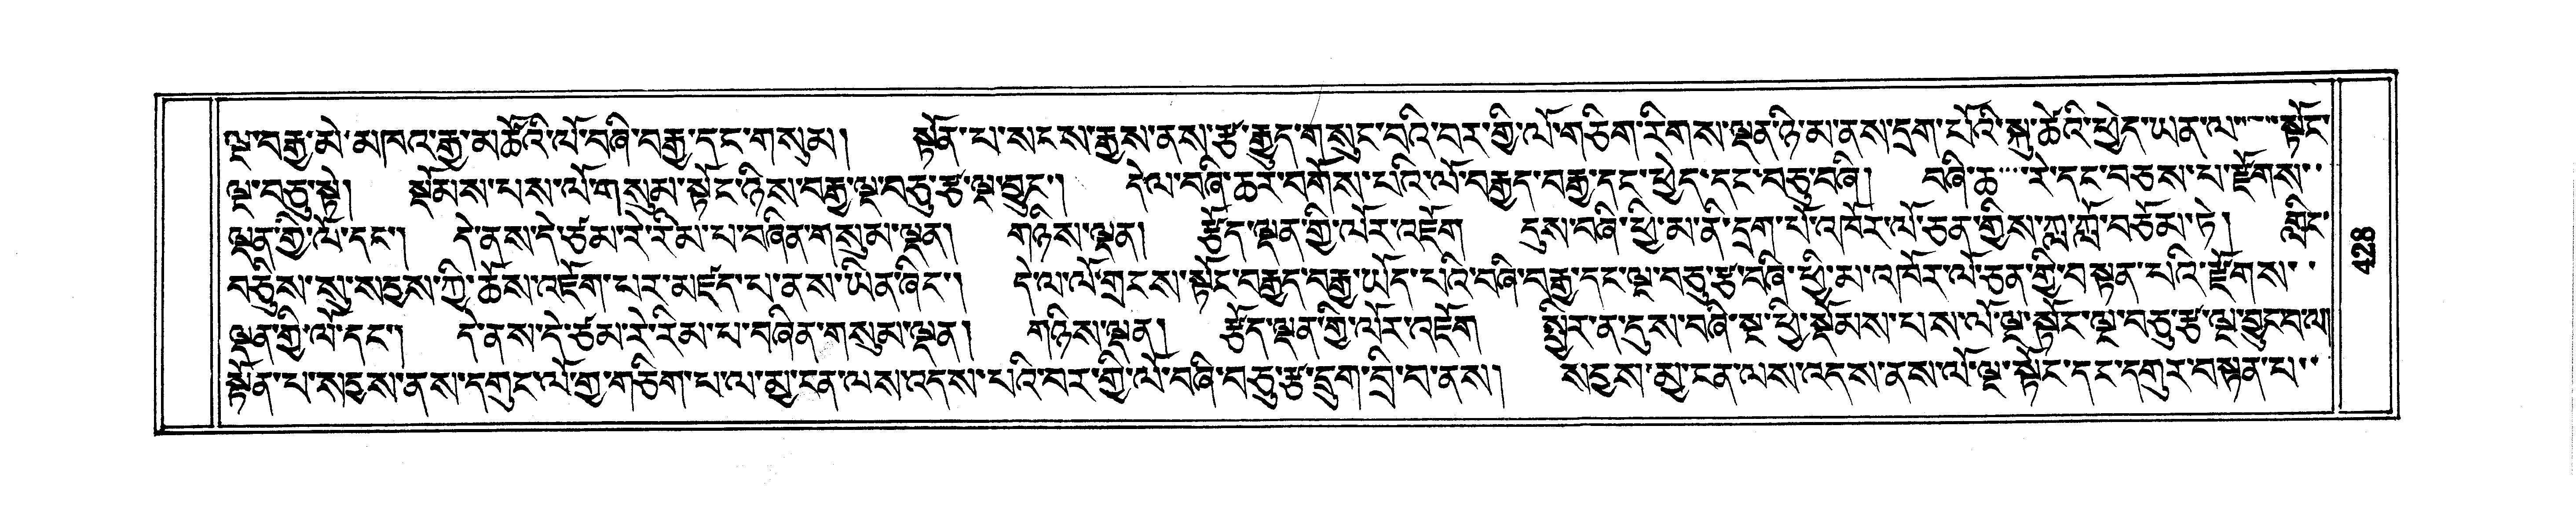ལྔ་བརྒྱ་མེ་མཁའ་རྒྱ་མཚོའི་ལོ་བཞི་བརྒྱ་དང་གསུམ། སྟོན་པ་སངས་རྒྱས་ནས་རྩ་རྒྱུད་གསུང་བའི་བར་གྱི་ལོ་གཅིག་རིགས་ལྡན་ཉི་མ་ནས་དྲག་པོའི་སྐུ་ཚེའི་ཕྱེད་ཡན་ལ་སྟོང་
ལྔ་བཅུ་སྟེ། སྡོམས་པས་ལོ་གསུམ་སྟོང་ཉིས་བརྒྱ་ལྔ་བཅུ་རྩ་ལྔ་བྱུང་། དེ་ལ་བཞི་ཆར་བགོས་པའི་ལོ་བརྒྱད་བརྒྱ་དང་ཕྱེད་དང་བཅུ་བཞི། བཞི་ཆ་རེ་དང་བཅས་པ་རྫོགས་
ལྡན་གྱི་ལོ་དང་། དེ་ནས་དེ་ཙམ་རེ་རིམ་པ་བཞིན་གསུམ་ལྡན། གཉིས་ལྡན། རྩོད་ལྡན་གྱི་ལོར་འཇོག་དུས་བཞིན་ཕྱི་མ་ནི་དྲག་པོ་འཁོར་ལོ་ཅན་གྱིས་ཀླ་ཀློ་བཅོམ་ཏེ། གླིང་
བཅུཨིས་སུ་སདྱས་ཀྱི་ཆོས་འཇོག་པར་མཛད་པ་ནས་ཡིན་ཞིང་། དེ་ལ་ལོ་གྲངས་སྟོང་བརྒྱད་བརྒྱ་ཡོད་པའི་བཞི་བརྒྱ་དང་ལྔ་བཅུ་རྩ་བཞི་ཕྱི་མ་འཁོར་ལོ་ཅན་གྱི་བསྟན་པའི་རྫོགས་
ལྡན་གྱི་ལོ་དང་། དེ་ནས་དེ་ཙམ་རེ་རིམ་པ་བཞིན་གསུམ་ལྡན། གཉིས་ལྡན། རྩོད་ལྡན་གྱི་ལོར་འཇོག །སྤྱིར་ན་དུས་བཞི་སྔ་ཕྱི་སྡོམས་པས་ལོ་ལྔ་སྟོང་ལྔ་བཅུ་རྩ་ལྔ་བྱུང་བ་ལ།
སྟོན་པ་སདྱས་ནས་དགུང་ལོ་གྱ་གཅིག་པ་ལ་མྱ་ངན་ལས་འདས་པའི་བར་གྱི་ལོ་བཞི་བཅུ་རྩ་དྲུག་བྲི་བ་ནས། སདྱས་མྱ་ངན་ལས་འདས་ནས་ལོ་ལྔ་སྟོང་དང་དགུར་བསྟན་པ་